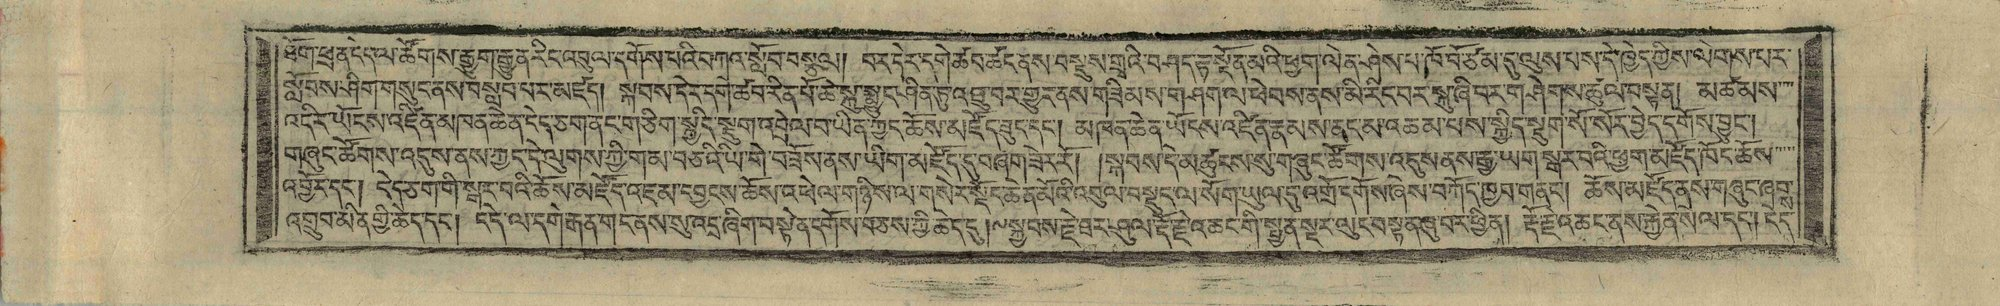ཐོག་ཕྲན་ངེད་ལ་ཚོགས་རྒྱུག་རྒྱུན་རིང་འབུལ་དགོས་པའི་བཀའ་སློབ་བསྩལ། བར་དེར་དགེ་ཚབ་ཚང་ནས་བསྡུས་གྲྭའི་བཤད་རྟ་སྔོན་མའི་ཕྱག་ལེན་ཤེས་པ་ཁོ་བོ་ཙམ་དུ་ལུས་པས་དེ་ཁྱེད་ཀྱིས་ལེགས་པར་
སློབས་ཤིག་གསུང་ནས་བསླབ་པར་མཛད། སྐབས་དེར་དགེ་ཚབ་རིན་པོ་ཆེ་སྐུ་སྨྱུང་ཤིན་ཏུ་འཐུ་བར་གྱུར་ནས་གཟིམས་གཤག་ལ་ཕེབས་ནས་མི་རིང་བར་སྐུ་ཞི་བར་གཤེགས་ཚུལ་བསྟན། མཚམས་
འདིར་ཡོངས་འཛིན་མཁན་ཆེན་ངེད་ཅག་ནང་གཅིག་སྐྱིད་སྡུག་འབྲེལ་བ་ཡིན་ཀྱང་ཆོས་མཛོད་ཟུང་དང་། མཁན་ཆེན་ཡོངས་འཛིན་རྣམས་ནང་མ་འཆམ་པས་སྐྱིད་སྡུག་སོ་སོར་བྱེད་དགོས་བྱུང་།
གཞུང་ཚོགས་འདུས་ནས་ཀྱང་དེ་ལུགས་ཀྱི་གམ་བཅའི་ཡི་གེ་བཟོས་ནས་ཡིག་མཛོད་དུ་བཞག་ཟེར་རོ། །སྐབས་དེ་མཚུངས་སུ་གཞུང་ཚོགས་འདུས་ནས་རྒྱ་ཡག་སྒར་བའི་ཕྱག་མཛོད་ཁོང་ཆོས་
འབྱོར་དང་། ངེད་ཅག་གི་སྒར་བའི་ཆོས་མཛོད་འཇམ་དབྱངས་ཆོས་འཕེལ་གཉིས་ལ་གསེར་སྡོང་ཆེན་མོའི་འབུལ་བསྡུད་ལ་སོག་ཡུལ་དུ་འགྲོ་དགོས་ཞེས་བཀོད་ཁྱབ་གནང་། ཆོས་མཛོད་ནས་གཞུང་ཞབས་
འགྲུབ་མིན་གྱི་ཆེད་དང་། ངེད་ལ་དགེ་རྒན་གང་ནས་སུ་འདྲ་ཞིག་བསྟེན་དགོས་བཅས་ཀྱི་ཆེད་དུ། ༧སྐྱབས་རྗེ་ཐར་ཤུལ་རྡོ་རྗེ་འཆང་གི་སྤྱན་སྔར་ལུང་བསྟན་ཞུ་བར་ཕྱིན། རྡོ་རྗེ་འཆང་ནས་རྐྱེན་སེལ་དང་། ངེད་